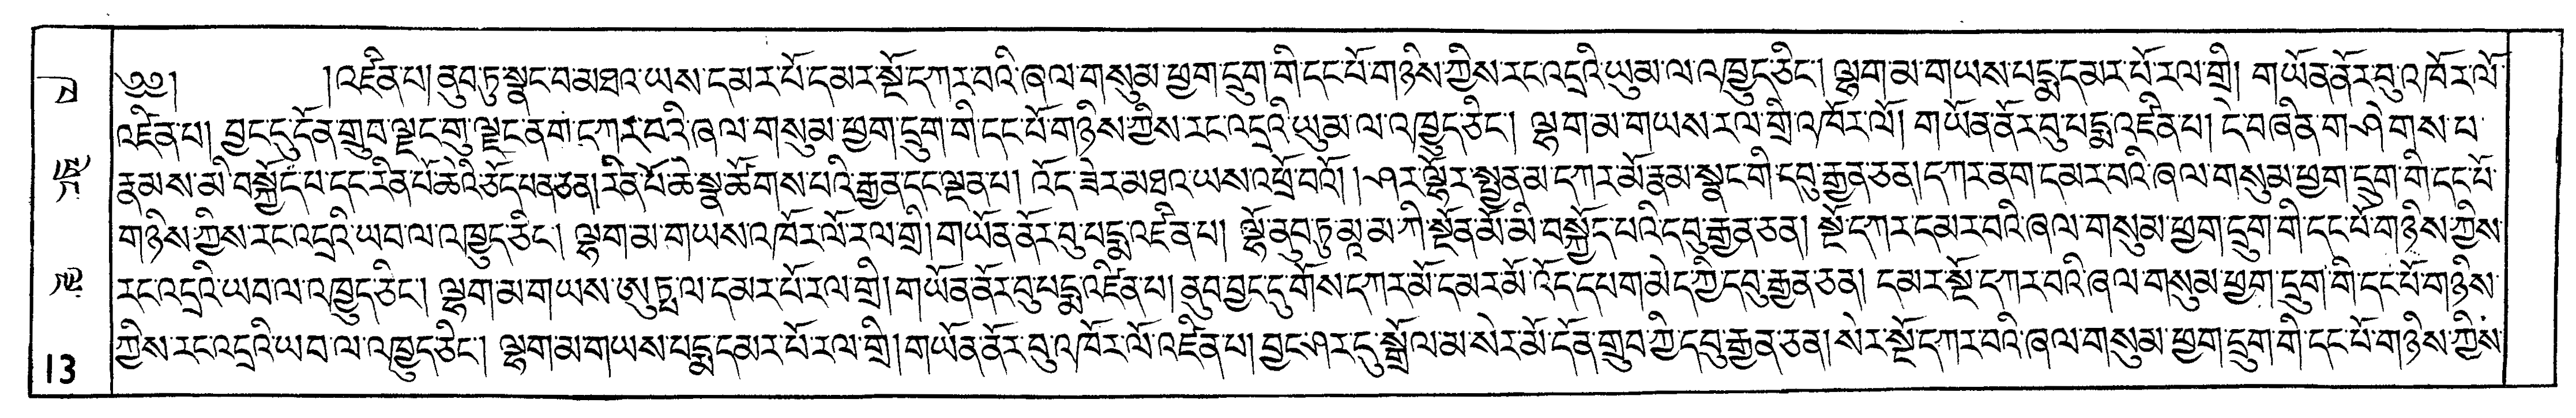༄༅། །འཛིན་པ། ནུབ་ཏུ་སྣང་བ་མཐའ་ཡས་དམར་པོ་དམར་སྔོ་དཀར་བའི་ཞལ་གསུམ་ཕྱག་དྲུག་གི་དང་པོ་གཉིས་ཀྱིས་རང་འདྲའི་ཡུམ་ལ་འཁྱུད་ཅིང་། ལྷག་མ་གཡས་པདམ་དམར་པོ་རལ་གྲི། གཡོན་ནོར་བུ་འཁོར་ལོ་
འཛིན་པ། བྱང་དུ་དོན་གྲུབ་ལྗང་གུ་ལྗང་ནག་དཀར་བའི་ཞལ་གསུམ་ཕྱག་དྲུག་གི་དང་པོ་གཉིས་ཀྱིས་རང་འདྲའི་ཡུམ་ལ་འཁྱུད་ཅིང་། ལྷག་མ་གཡས་རལ་གྲི་འཁོར་ལོ། གཡོན་ནོར་བུ་པདམ་འཛིན་པ། དེ་བཞིན་གཤེགས་པ་
རྣམས་མི་བསྐྱོད་པ་དང་རིན་པོ་ཆེའི་ཅོད་པན་ཅན། རིན་པོ་ཆེ་སྣ་ཚོགས་པའི་རྒྱན་དང་ལྡན་པ། འོད་ཟེར་མཐའ་ཡས་འཕྲོ་བའོ། །ཤར་ལྷོར་སྤྱན་མ་དཀར་མོ་རྣམ་སྣང་གི་དབུ་རྒྱན་ཅན། དཀར་ནག་དམར་བའི་ཞལ་གསུམ་ཕྱག་དྲུག་གི་དང་པོ་
གཉིས་ཀྱིས་རང་འདྲའི་ཡབ་ལ་འཁྱུད་ཅིང་། ལྷག་མ་གཡས་འཁོར་ལོ་རལ་གྲི། གཡོན་ནོར་བུ་པདམ་འཛིན་པ། ལྷོ་ནུབ་ཏུ་མཱ་མ་ཀི་སྔོན་མོ་མི་བསྐྱོད་པའི་དབུ་རྒྱན་ཅན། སྔོ་དཀར་དམར་བའི་ཞལ་གསུམ་ཕྱག་དྲུག་གི་དང་པོ་གཉིས་ཀྱིས་
རང་འདྲའི་ཡབ་ལ་འཁྱུད་ཅིང་། ལྷག་མ་གཡས་ཨུཏྤལ་དམར་པོ་རལ་གྲི། གཡོན་ནོར་བུ་པདམ་འཛིན་པ། ནུབ་བྱང་དུ་གོས་དཀར་མོ་དམར་མོ་འོད་དཔག་མེད་ཀྱི་དབུ་རྒྱན་ཅན། དམར་སྔོ་དཀར་བའི་ཞལ་གསུམ་ཕྱག་དྲུག་གི་དང་པོ་གཉིས་
ཀྱིས་རང་འདྲའི་ཡབ་ལ་འཁྱུད་ཅིང་། ལྷག་མ་གཡས་པདམ་དམར་པོ་རལ་གྲི། གཡོན་ནོར་བུ་འཁོར་ལོ་འཛིན་པ། བྱང་ཤར་དུ་སྒྲོལ་མ་སེར་མོ་དོན་གྲུབ་ཀྱི་དབུ་རྒྱན་ཅན། སེར་སྔོ་དཀར་བའི་ཞལ་གསུམ་ཕྱག་དྲུག་གི་དང་པོ་གཉིས་ཀྱིས་